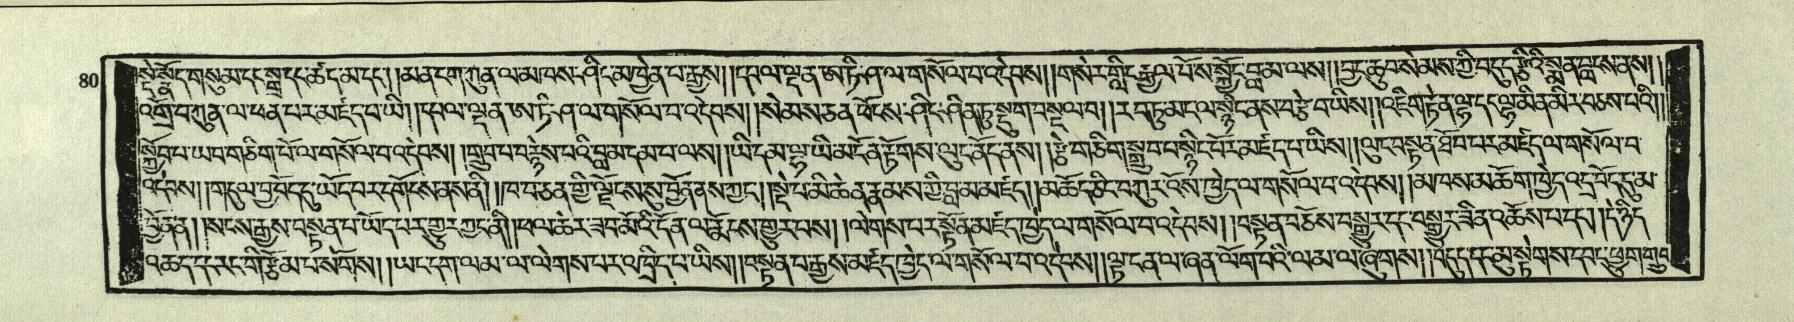སྡེ་སྣོད་གསུམ་དང་སྒྲ་དང་ཚད་མ་དང་། །མན་ངག་ཀུན་ལ་མཁས་ཤིང་མཁྱེན་པ་རྒྱས། །དཔལ་ལྡན་ཨ་ཏི་ཤ་ལ་གསོལ་བ་འདེབས། །གསེར་གླིང་རྒྱལ་པོ་ས་སྐྱོང་བླ་མ་ལས། །བྱང་ཆུབ་སེམས་ཀྱི་བདུད་རྩིའི་སྨན་བླངས་ནས།།
འགྲོ་བ་ཀུན་ལ་ཕན་པར་མཛད་པ་ཡི། །དཔལ་ལྡན་ཨ་ཏི་ཤ་ལ་གསོལ་བ་འདེབས། །སེམས་ཅན་ཕོངས་ཤིང་ཤིན་ཏུ་སྡུག་བསྔལ་བ། །རབ་ཏུ་མང་ལ་སྙིང་ནས་བརྩེ་བ་ཡིས། །འཇིག་རྟེན་ལྷ་དང་ལྷ་མིན་མིར་བཅས་པའི། །
སྐྱོབ་པ་ཡབ་གཅིག་པོ་ལ་གསོལ་བ་འདེབས། །གྲུབ་པ་བརྙེས་པའི་བླ་མ་དམ་པ་ལས། །ཡི་དམ་ལྷ་ཡི་མངོན་རྟོགས་ལུང་ནོད་ནས། །རྩེ་གཅིག་སྒྲུབ་པ་སྙིང་པོར་མཛད་པ་ཡིས། །ལུང་བསྟན་ཐོབ་པར་མཛད་ལ་གསོལ་བ་
འདེབས། །གདུལ་བྱ་བོད་དུ་ཡོད་བར་དགོངས་ནས་ནི། །ཁ་བ་ཅན་གྱི་ལྗོངས་སུ་བྱོན་ནས་ཀྱང་། །སྡེ་པ་མི་ཆེན་རྣམས་ཀྱི་བླ་མ་མཛད། །མཆོད་ཅིང་བཀུར་འོས་ཁྱེད་ལ་གསོལ་བ་འདེབས། །མཁས་མཆོག་ཁྱེད་འདྲ་བོད་དུ་མ་
བྱོན་ན། །སངས་རྒྱས་བསྟན་པ་ཡོད་པར་གྱུར་ཀྱང་ནི། །ཕལ་ཆེར་ཟབ་མོའི་དོན་ལ་རྨོངས་གྱུར་པས། །ལེགས་པར་སྟོན་མཛད་ཁྱེད་ལ་གསོལ་བ་འདེབས། །བསྟན་བཅོས་བསྒྱུར་དང་། བསྒྱུར་ཟིན་འཆོས་པ་དང་། །དེ་ཉིད་
འཆད་དང་རང་གི་རྩོམ་པ་སོགས། །ཡང་དག་ལམ་ལ་ལེགས་པར་འཁྲིད་པ་ཡིས། །བསྟན་པ་རྒྱས་མཛད་ཁྱེད་ལ་གསོལ་བ་འདེབས། །ལྟ་ངན་ལ་ཞན་ལོག་པའི་ལམ་ལ་ཞུགས། །བདུད་དང་མུ་སྟེགས་དབང་ཕྱུག་གྲུབ་